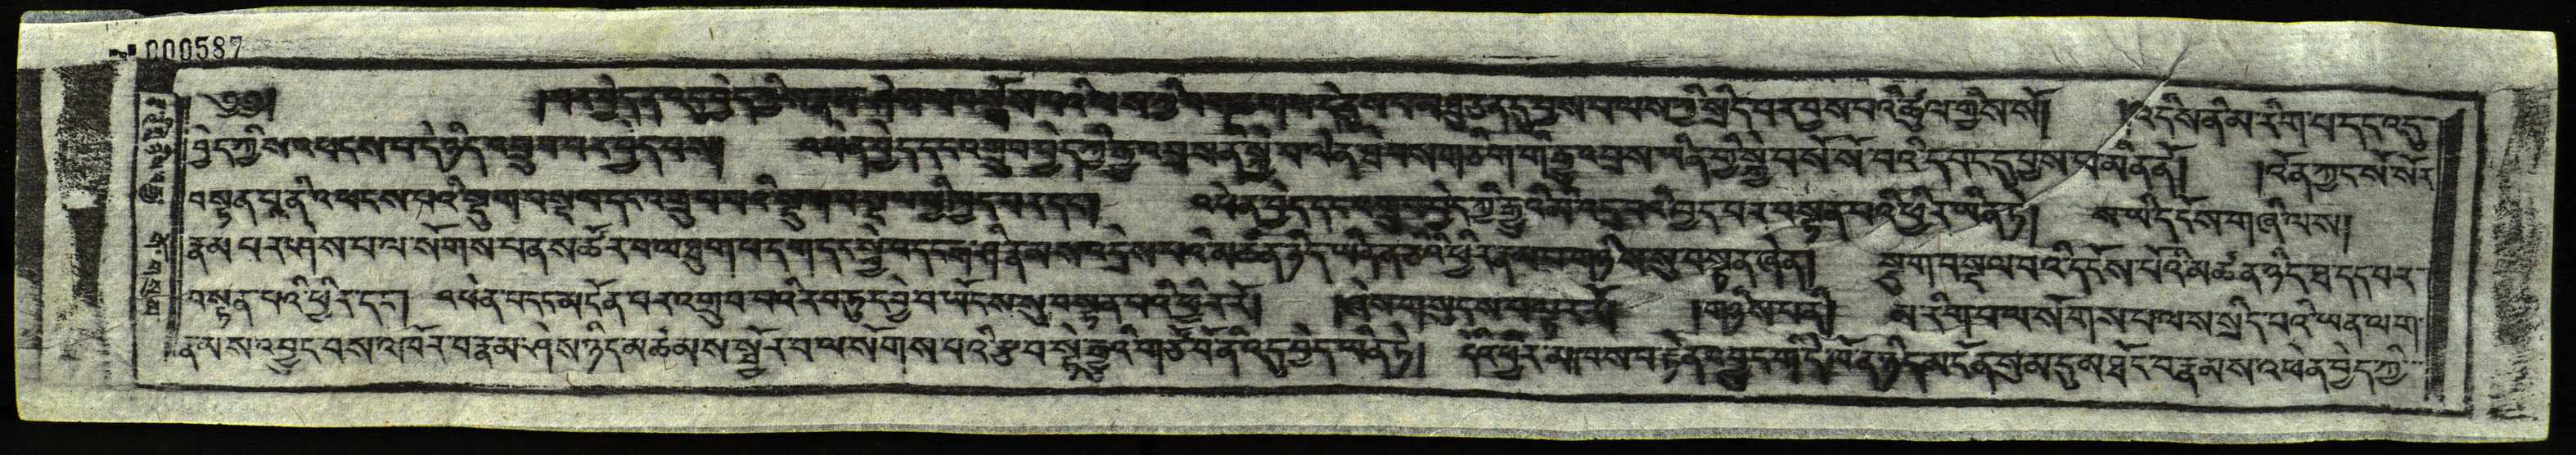༄༅། །པར་བྱེད་ན་འདུ་བྱེད་ཀྱིས་རྣམ་ཤེས་ལ་བསྒོམ་པའི་ལས་ཀྱི་བག་ཆགས་དེ་ནུས་པ་མཐུ་ཅན་དུ་བྱས་པ་ལས་ཀྱི་སྲིད་པར་བྱས་པའི་ཚུལ་གྱིས་སོ། །འདིས་ནི་མ་རིག་པ་དང་འདུ་
བྱེད་ཀྱིས་འཕངས་པ་དེ་ཉིད་འགྲུབ་པར་བྱེད་པས། འཕེན་བྱེད་དང་འགྲུབ་བྱེད་ཀྱི་རྒྱུ་འབྲས་ནི་སྐྱེ་བ་ལེན་ཐབས་གཅིག་གི་རྒྱུ་འབྲས་ཡིན་གྱི་སྐྱེ་བ་སོ་སོ་བའི་དབང་དུ་བྱས་པ་མིན་ནོ། །འོན་ཀྱང་སོ་སོར་
བསྟན་པ་ནི་འཕངས་པའི་སྡུག་བསྔལ་དང་འགྲུབ་བའི་སྡུག་བསྔལ་གྱི་ཁྱད་པར་དང་། འཕེན་བྱེད་དང་འགྲུབ་བྱེད་ཀྱི་རྒྱུའི་མི་འདུ་བའི་ཁྱད་པར་བསྟན་པའི་ཕྱིར་ཡིན་ཏེ། ས་ཡི་དངོས་གཞི་ལས།
རྣམ་པར་ཤེས་པ་ལ་སོགས་པ་ནས་ཚོར་བ་ལ་ཐུག་བདག་དང་སྐྱེ་བ་དང་རྒ་ཤི་རྣམས་འདྲེས་པའི་མཚན་ཉིད་ཡིན་ན་ཅིའི་ཕྱིར་རྣམ་པ་གཉིས་སུ་བསྟན་ཞེ་ན། སྡུག་བསྔལ་བའི་དངོས་པོའི་མཚན་ཉིད་ཐ་དད་པར་
བསྟན་པའི་ཕྱིར་དང་། འཕེན་པ་དང་མངོན་པར་འགྲུབ་པའི་རབ་ཏུ་དབྱེ་བ་ཡོངས་སུ་བསྟན་པའི་ཕྱིར་རོ། །ཞེས་གསུངས་པ་ལྟར་རོ། །གཉིས་པ་ནི། མ་རིག་པ་ལ་སོགས་པ་ལས་སྲིད་པའི་ཡན་ལག་
རྣམས་འབྱུང་བས་འཁོར་བ་རྣམ་ཤེས་ཉིད་མཚམས་སྦྱོར་བ་ལ་སོགས་པའི་རྩ་བ་སྟེ་རྒྱུའི་གཙོ་བོ་ནི་འདུ་བྱེད་ཡིན་ཏེ། དེའི་ཕྱིར་མཁས་པ་རྟེན་འབྱུང་གི་དེ་ཁོ་ན་ཉིད་མངོན་སུམ་དུ་མཐོང་བ་རྣམས་འཕེན་བྱེད་ཀྱི་